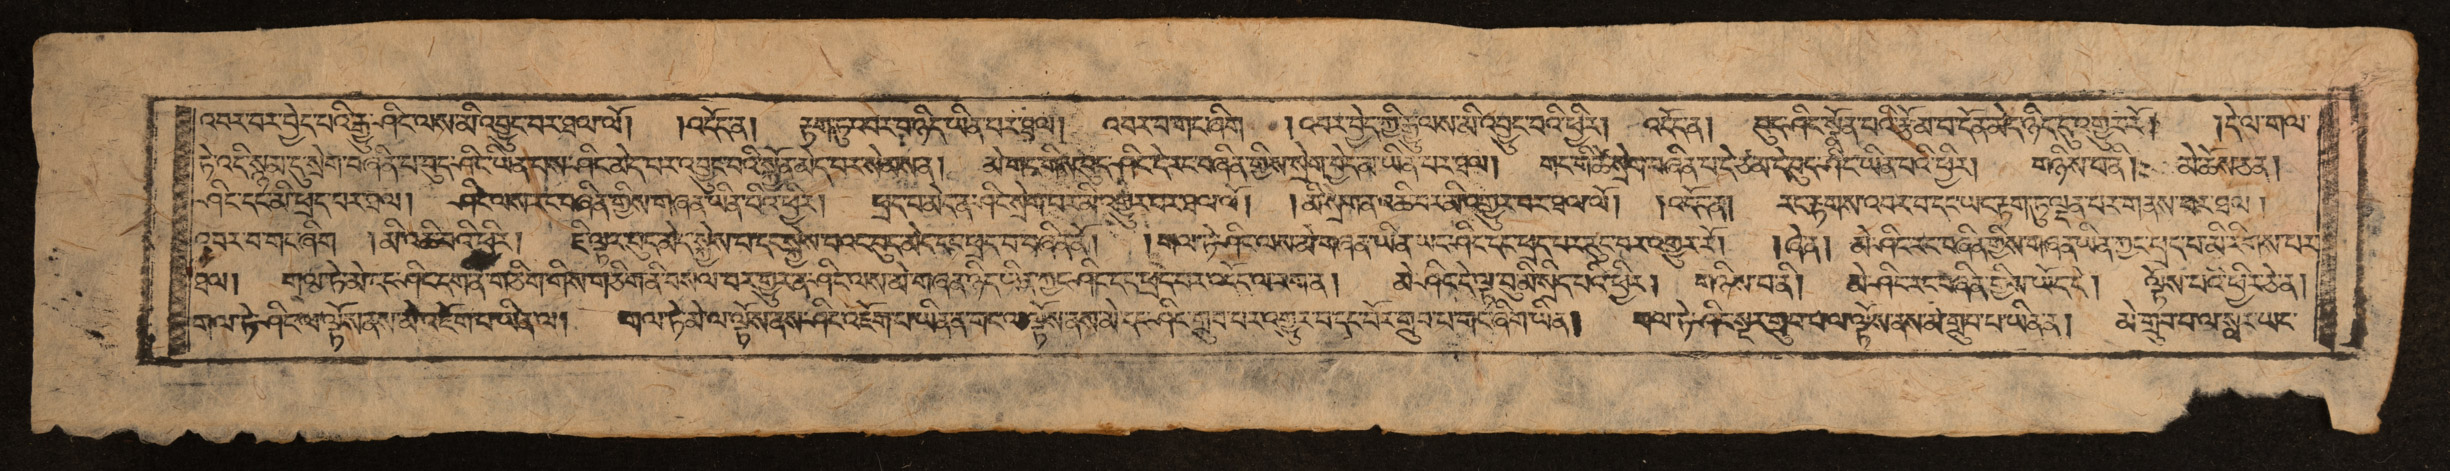འབར་བར་བྱེད་པའི་རྒྱུ་ཤིང་ལས་མི་འབྱུང་བར་ཐལ་ལོ། །འདོད་ན། རྟག་ཏུ་འབར་བ་ཉིད་ཡིན་པར་ཐལ། འབར་བ་གང་ཞིག །འབར་བྱེད་ཀྱི་རྒྱུ་ལས་མི་འབྱུང་བའི་ཕྱིར། འདོད་ན། བུད་ཤིང་སྣོན་པའི་རྩོམ་པ་དོན་མེད་ཉིད་དུ་འགྱུར་རོ། །དེ་ལ་གལ་
ཏེ་འདི་སྙམ་དུ་སྲེག་བཞིན་བ་བུད་ཤིང་ཡིན་པས་ཤིང་མེད་པར་འབྱུང་བའི་སྐྱོན་མེད་པར་སེམས་ན། མེ་གང་གིས་བུད་ཤིང་དེ་རང་བཞིན་གྱིས་སྲེག་བྱེད་མ་ཡིན་པར་ཐལ། གང་གི་ཚེ་སྲེག་བཞིན་པ་དེ་ཙམ་དེ་བུད་ཤིང་ཡིན་པའི་ཕྱིར། གཉིས་པ་ནི། མེ་ཆོས་ཅན།
ཤིང་དང་མི་ཕྲད་པར་ཐལ། ཤིང་ལས་རང་བཞིན་གྱིས་གཞན་ཡིན་པའི་ཕྱིར། ཕྲད་པ་མེད་ན་ཤིང་སྲེག་པར་མི་འགྱུར་བར་ཐལ་ལོ། །མི་སྲེག་ན་འཆི་བར་མི་འགྱུར་བར་ཐལ་ལོ། །འདོད་ན། རང་རྟགས་འབར་བ་དང་ཡང་རྟག་ཏུ་ལྡན་པར་གནས་པར་ཐལ།
འབར་བ་གང་ཞིག །མི་འཆི་བའི་ཕྱིར། ཇི་ལྟར་བུད་མེད་སྐྱེས་པ་དང་སྐྱེས་པའང་བུད་མེད་དང་ཕྲད་པ་བཞིན་ནོ། །གལ་ཏེ་ཤིང་ལས་མེ་གཞན་ཡིན་ཡང་ཤིང་དང་ཕྲང་པར་རུང་བར་འགྱུར་རོ། །ཞེ་ན། མེ་ཤིང་རང་བཞིན་གྱིས་གཞན་ཡིན་ཀྱང་ཕྲད་པ་མི་རིགས་པར་
ཐལ། གལ་ཏེ་མེ་དང་ཤིང་དག་ནི་གཅིག་གིས་གཅིག་ནི་བསལ་བར་གྱུར་ན་ཤིང་ལས་མེ་གཞན་ཉིད་ཡིན་ཀྱང་ཤིང་དང་ཕྲད་པར་འདོད་ལ་རག་ན། མེ་ཤིང་དེ་ལྟ་བུ་མི་སྲིད་པའི་ཕྱིར། གཉིས་པ་ནི། མེ་ཤིང་རང་བཞིན་གྱིས་ཡོད་དེ། ལྟོས་པའི་ཕྱིར་ཅེ་ན།
གལ་ཏེ་ཤིང་ལ་ལྟོས་ནས་མེ་འཇོག་པ་ཡིན་ལ། གལ་ཏེ་མེ་ལ་ལྟོས་ནས་ཤིང་འཇོག་པ་ཡིན་ན་གང་ལ་ལྟོས་ནས་མེ་དང་ཤིང་གྲུབ་པར་འགྱུར་བ་དང་བོར་གྲུབ་པ་གང་ཞིག་ཡིན། གལ་ཏེ་ཤིང་སྔར་གྲུབ་པ་ལ་ལྟོས་ནས་མེ་གྲུབ་པ་ཡིན་ན། མེ་གྲུབ་པ་ལ་སླར་ཡང་